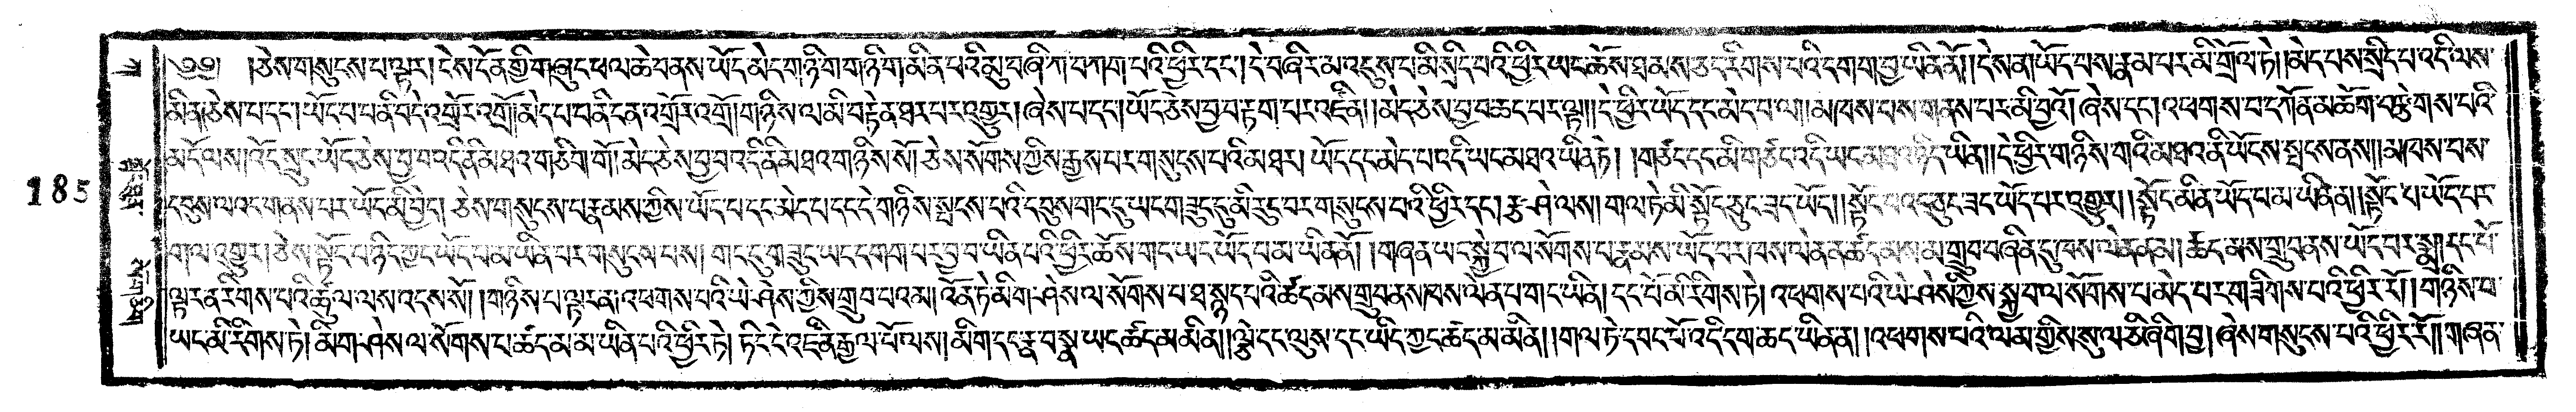༄༅། །ཅེས་གསུངས་པ་ལྟར། ངེས་དོན་གྱི་གཞུང་ཕལ་ཆེ་བ་ནས་ཡོད་མེད་གཉི་ག་གཉི་ག་མིན་པའི་མུ་བཞི་ཀ་བཀག་པའི་ཕྱིར་དང་། དེ་བཞིར་མ་འདུས་པ་མི་སྲིད་པའི་ཕྱིར་ཡང་ཆོས་ཐམས་ཅད་རིགས་པའི་དགག་བྱ་ཡིན་ནོ། །དེས་ན། ཡོད་པས་རྣམ་པར་མི་གྲོལ་ཏེ། །མེད་པས་སྲིད་པ་འདི་ལས་
མིན༑ ཅེས་པ་དང་། ཡོད་པ་པ་ནི་བདེ་འགྲོར་འགྲོ། མེད་པ་བ་ནི་ངན་འགྲོར་འགྲོ། གཉིས་ལ་མི་བརྟེན་ཐར་པར་འགྱུར། ཞེས་པ་དང་། ཡོད་ཅེས་བྱ་བ་རྟག་པར་འཛིན། །མེད་ཅེས་བྱ་བ་ཆང་པར་ལྟ། །དེ་ཕྱིར་ཡོད་དང་མེད་བ་ལ། །མཁས་པས་གནས་པར་མི་བྱའོ། ཞེས་དང་། འཕགས་པ་དཀོན་མཆོག་བརྩེགས་པའི་
མདོ་ལས། འོད་སྲུང་ཡོད་ཅེས་བྱ་བ་འདི་ནི་མཐའ་གཅིག་གོ། མེད་ཅེས་བྱ་བ་འདི་ནི་མཐའ་གཉིས་སོ། ཅེས་སོགས་ཀྱིས་རྒྱས་པར་གསུངས་པའི་མཐར། ཡོད་དང་མེད་པ་འདི་ཡང་མཐའ་ཡིན་ཏེ། །གཙང་དང་མི་གཙང་འདི་ཡང་མཐའ་ཉིད་ཡིན། །དེ་ཕྱིར་གཉིས་གའི་མཐའ་ནི་ཡོངས་སྤངས་ནས། །མཁས་པས་
དབུས་ལའང་གནས་པར་ཡོད་མི་བྱེད། ཅེས་གསུངས་པ་རྣམས་ཀྱིས་ཡོད་པ་དང་མེད་པ་དང་དེ་གཉིས་སྤངས་པའི་དབུས་གང་དུ་ཡང་གཟུང་དུ་མི་རུང་བར་གསུངས་པའི་ཕྱིར་དང་། རྩ་ཤེ་ལས། གལ་ཏེ་མི་སྟོང་ཅུང་ཟད་ཡོད། །སྟོང་བའང་ཅུང་ཟད་ཡོད་པར་འགྱུར། །སྟོང་མིན་ཡོད་པ་མ་ཡིན་ན། །སྟོང་པ་ཡོད་པར་
ག་ལ་འགྱུར། ཅེས་སྟོང་པ་ཉིད་ཀྱང་ཡོད་པ་མ་ཡིན་པར་གསུངས་པས། གང་དུ་གཟུང་ཡང་དགག་པར་བྱ་བ་ཡིན་པའི་ཕྱིར་ཆོས་གང་ཡང་ཡོད་པ་མ་ཡིན་ནོ། །གཞན་ཡང་སྐྱེ་བ་ལ་སོགས་པ་རྣམས་ཡོད་པར་ཁས་ལེན་ན་ཚད་མས་མ་གྲུབ་བཞིན་དུ་ཁས་ལེན་ནམ། ཚད་མས་གྲུབ་ནས་ཡོད་བར་སྨྲ། དང་པོ་
ལྟར་ན་རིགས་པའི་ཚུལ་ལས་འདས་སོ། །གཉིས་པ་ལྟར་མ་འཕགས་པའི་ཡེ་ཤེས་ཀྱིས་གྲུབ་པའམ། འོན་ཏེ་མིག་ཤེས་ལ་སོགས་པ་ཐ་སྙད་པའི་ཚད་མས་གྲུབ་ནས་ཁས་ལེན་པ་གང་ཡིན། དང་པོ་མི་རིགས་ཏེ། འཕགས་པའི་ཡེ་ཤེས་ཀྱིས་སྐྱེ་བ་ལ་སོགས་པ་མེད་པར་གཟིགས་པའི་ཕྱིར་རོ། །གཉིས་པ་
ཡང་མི་རིགས་ཏེ། མིག་ཤེས་ལ་སོགས་པ་ཚད་མ་མ་ཡིན་པའི་ཕྱིར་ཏེ། ཏིང་ངེ་འཛིན་རྒྱལ་པོ་ལས། མིག་དང་རྣ་བ་སྣ་ཡང་ཚད་མ་མིན། །ལྕེ་དང་ལུས་དང་ཡིད་ཀྱང་ཚད་མ་མིན། །གལ་ཏེ་དབང་པོ་འདི་དག་ཚད་ཡིན་ན། །འཕགས་པའི་ལམ་གྱིས་སུ་ལ་ཅི་ཞིག་བྱ། ཞེས་གསུངས་པའི་ཕྱིར་རོ། །གཞན་